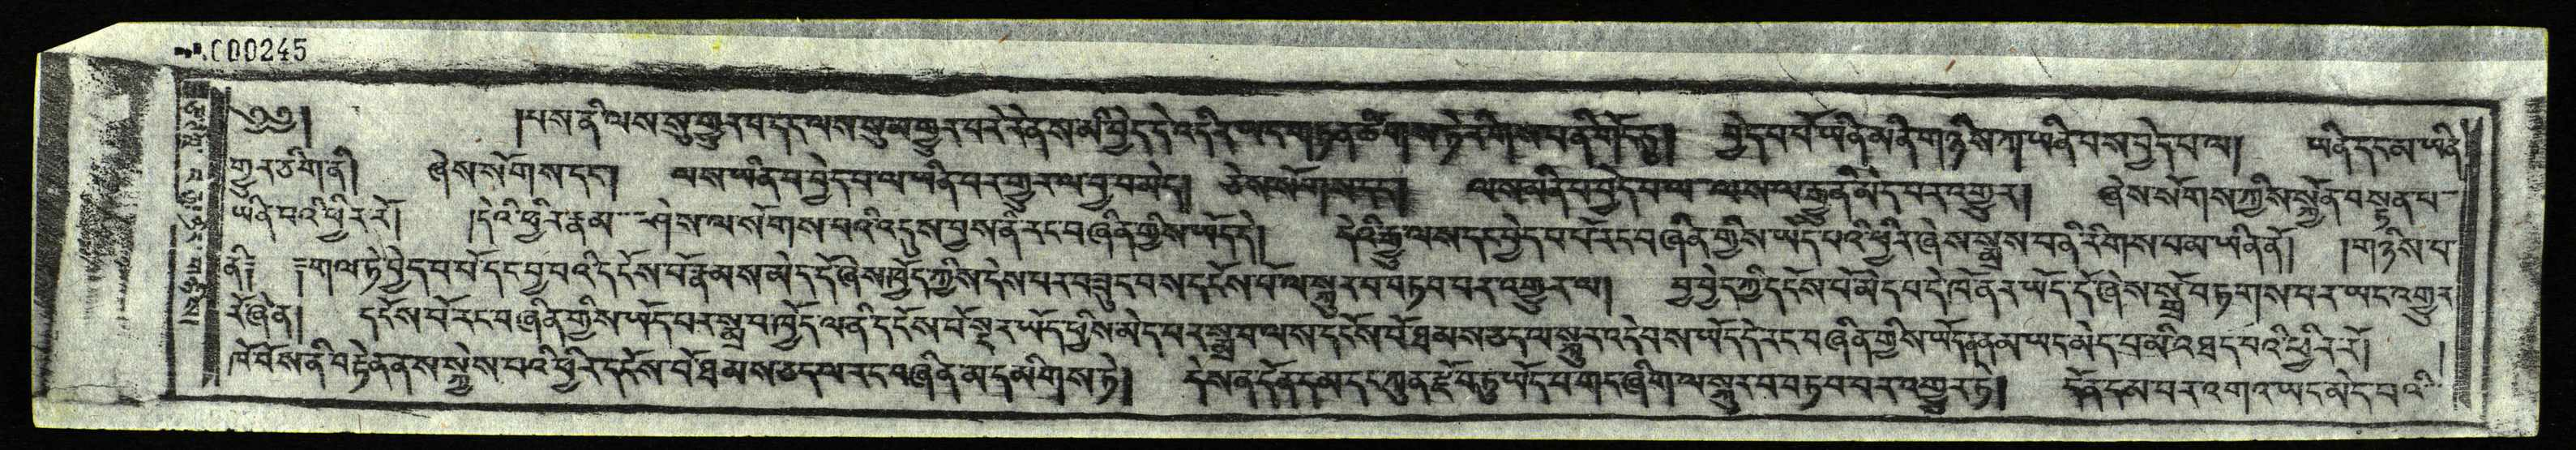༄༅། །པས་ནི་ལས་སུ་གྱུར་བ་དང་ལས་སུ་གྱུར་བ་རེ་རེ་ནས་མི་བྱེད་དེ་འདིར་ཡང་གཏན་ཚིགས་ཏེ་རིགས་པ་ནི་གོང་དུ། བྱེད་པ་པོ་ཡིན་མིན་གཉིས་ཀ་ཡིན་པས་བྱེད་པ་ལ། ཡིན་དང་མ་ཡིན་
གྱུར་ཅིག་ནི། ཞེས་སོགས་དང་། ལས་ཡིན་པ་བྱེད་པ་ལ་ཡིན་པར་གྱུར་ལ་བྱ་བ་མེད། ཅེས་སོགས་དང་། ལས་མིན་པ་བྱེད་པ་ལ་ལས་ལ་རྒྱུ་ནི་མེད་པར་འགྱུར། ཞེས་སོགས་ཀྱིས་སྐྱོན་བསྟན་པ་
ཡིན་པའི་ཕྱིར་རོ། །དེའི་ཕྱིར་རྣམ་ཤེས་ལ་སོག་པའི་འདུས་བྱས་ནི་རང་བཞིན་གྱིས་ཡོད་དེ། དེའི་རྒྱུ་ལས་དང་བྱེད་པ་པོ་རང་བཞིན་གྱིས་ཡོད་པའི་ཕྱིར་ཞེས་སྨྲས་པ་ནི་རིགས་པ་མ་ཡིན་ནོ། །གཉིས་པ་
ནི༑ ༑གལ་ཏེ་བྱེད་པ་པོ་དང་བྱ་བའི་དངོས་པོ་རྣམས་མེད་དོ་ཞེས་ཁྱོད་ཀྱིས་ངེས་པར་བཟུང་བས་དངོས་པོ་ལ་སྐུར་བ་བཏབ་པར་གྱུར་ལ། བྱ་བྱེད་ཀྱི་དངོས་པོ་མེད་པ་དེ་ཁོ་ནར་ཡོད་དོ་ཞེས་སྒྲོ་བཏགས་པར་ཡང་འགྱུར་
རོ་ཞེ་ན། དངོས་པོ་རང་བཞིན་གྱིས་ཡོད་པར་སྨྲ་བ་ཁྱོད་ལ་ནི་དངོས་པོ་སྔར་ཡོད་ཕྱིས་མེད་པར་སྨྲ་བ་ལས་དངོས་པོ་ཐམས་ཅད་ལ་སྐུར་འདེབས་ཡོད་དེ་རང་བཞིན་གྱིས་ཡོད་ན་ནམ་ཡང་མེད་པ་མི་འཐད་པའི་ཕྱིར་རོ། །
ཁོ་བོས་ནི་བརྟེན་ནས་སྐྱེས་བའི་ཕྱིར་དངོས་པོ་ཐམས་ཅད་ལ་རང་བཞིན་མ་དམིགས་ཏེ། དེས་ན་དོན་དམ་དང་ཀུན་རྫོབ་ཏུ་ཡོད་པ་གང་ཞིག་ལ་སྐུར་བ་བཏབ་པར་འགྱུར་ཏེ། དོན་དམ་པར་འགའ་ཡང་མེད་པའི་